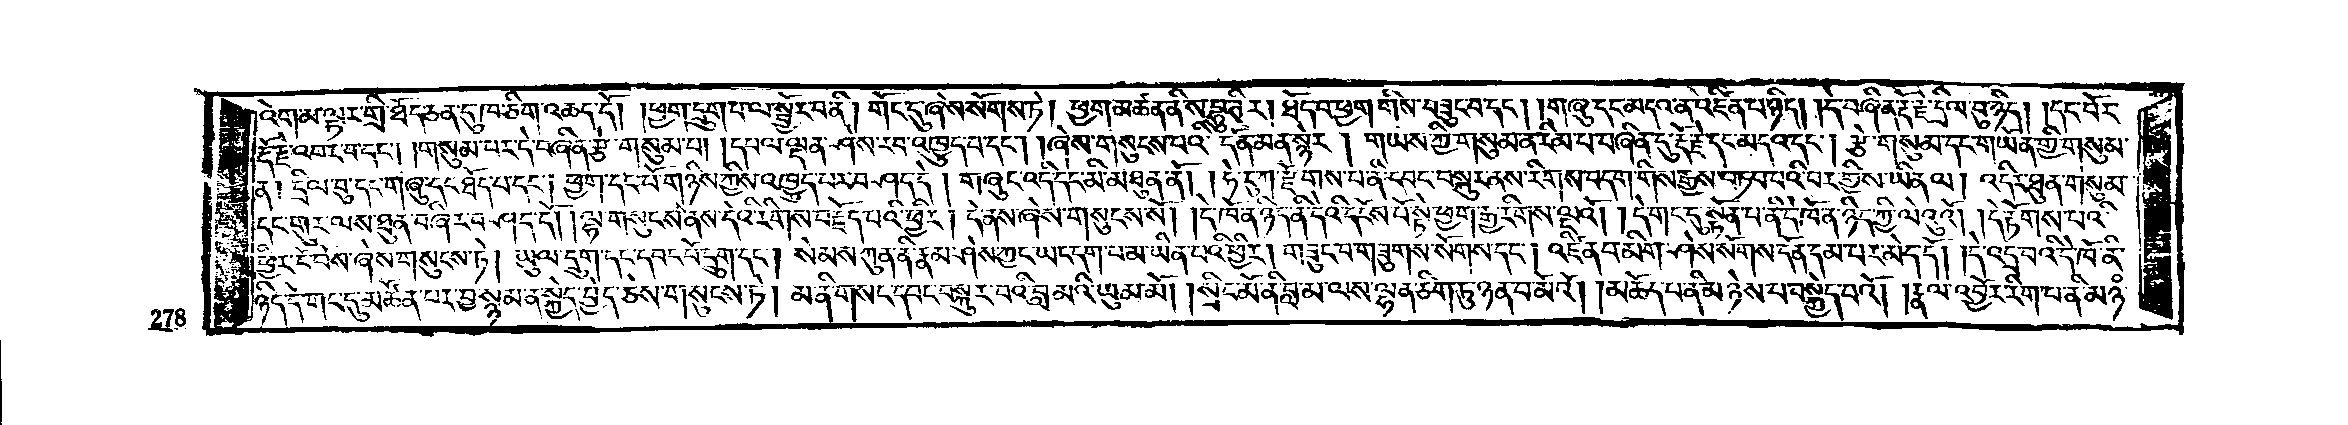འོག་མ་ལྟར་གྲི་ཐོད་ཅན་དུ་ཁ་ཅིག་འཆད་དོ། །ཕྱག་དྲུག་པ་ལ་སྦྱོར་བ་ནི། གོང་དུ་ཞེས་སོགས་ཏེ། ཕྱག་མཚན་ནི་ས་བྷུ་ཊིར། ཐོད་པ་ཕྱག་གིས་བཟུང་བ་དང་། །གཞུ་དང་མདའ་ན་འཛིན་པ་ཉིད། །དེ་བཞིན་རྡོ་རྗེ་དྲིལ་བུ་ཉིད། །དང་པོར་
རྡོ་རྗེ་འབར་བ་དང་། །གསུམ་པར་དེ་བཞིན་རྩེ་གསུམ་པ། །དཔལ་ལྡན་ཤེས་རབ་འཁྱུད་པ་དང་། །ཞེས་གསུངས་པའི་དོན་མན་སྙེར། གཡས་ཀྱི་གསུམ་ན་རིམ་པ་བཞིན་དུ་རྡོ་རྗེ་དང་མདའ་དང་། རྩེ་གསུམ་དང་གཡོན་གྱི་གསུམ་
ན། དྲིལ་བུ་དང་གཞུ་དང་ཐོད་པ་དང་། ཕྱག་དང་པོ་གཉིས་ཀྱིས་འཁྱུད་པར་བཤད་དེ། གཞུང་འདི་དང་མི་མཐུན་ནོ། །ཧེ་རུ་ཀ་རྫོགས་པ་ནི་དབང་བསྐུར་ནས་རིགས་བདག་གིས་རྒྱས་བཏབ་པའི་བར་གྱིས་ཡིན་ལ། འདིར་ཐུན་གསུམ་
དང་གུར་ལས་ཐུན་བཞིར་བཤད་དོ། །ལྷ་གསུངས་ནས་དེའི་རིགས་བརྗོད་པའི་ཕྱིར། དེ་ནས་ཞེས་གསུངས་སོ། །དེ་ཁོ་ན་ཉིད་ནི་དེའི་དངོས་པོ་སྟེ་ཕྱག་རྒྱ་རིགས་ལྔའོ། །དེ་གང་དུ་སྟོན་པ་ནི་དེ་ཁོ་ན་ཉིད་ཀྱི་ལེའུའོ། །དེ་རྟོགས་པའི་
ཕྱིར་ངོ་བོས་ཞེས་གསུངས་ཏེ། ཡུལ་དྲུག་དང་དབང་པོ་དྲུག་དང་། སེམས་ཀུན་ནི་རྣམ་ཤེས་ཀྱང་ཡང་དག་པ་མ་ཡིན་པའི་ཕྱིར། གཟུང་བ་གཟུགས་སོགས་དང་། འཛིན་པ་མིག་ཤེས་སོགས་དོན་དམ་པར་མེད་དོ། །དེ་འདྲ་བའི་དེ་ཁོ་ནི་
ཉིད་དེ་གང་དུ་མཚོན་པར་བྱ་སྙམ་ན་སྐྱེད་བྱེད་ཅེས་གསུངས་ཏེ། མ་ནི་གསང་དབང་བསྐུར་བའི་བླ་མའི་ཡུམ་མོ། །སྲིང་མོ་ནི་བླ་མ་ལས་ལྷན་ཅིག་ཏུ་ཉན་བ་མོའོ། །མཆོད་པ་ནི་མ་ཉེས་པ་བསྐྱེད་བའོ། །རྣལ་འབྱོར་རིག་པ་ནི་མཉམ་